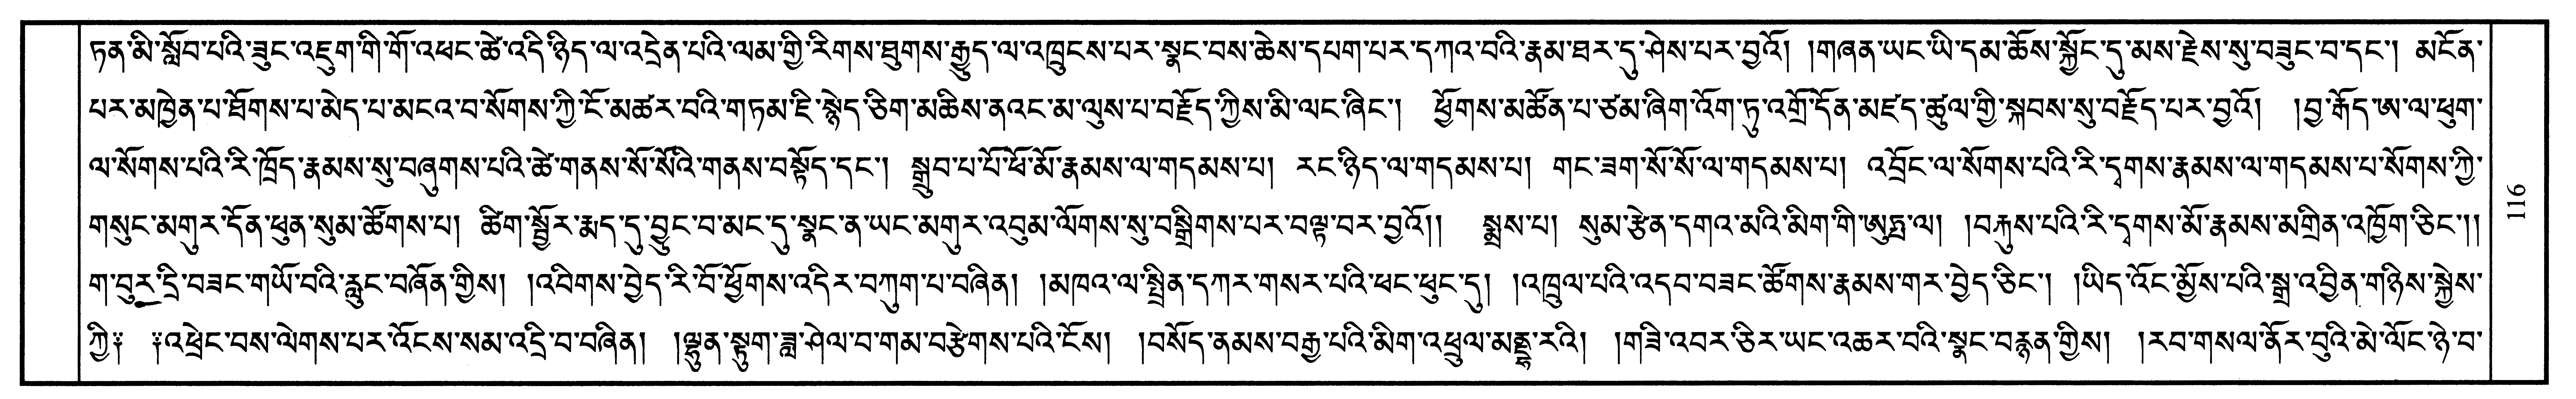ཏན་མི་སློབ་པའི་ཟུང་འཇུག་གི་གོ་འཕང་ཚེ་འདི་ཉིད་ལ་འདྲེན་པའི་ལམ་གྱི་རིགས་ཐུགས་རྒྱུད་ལ་འཁྲུངས་པར་སྣང་བས་ཆེས་དཔག་པར་དཀའ་བའི་རྣམ་ཐར་དུ་ཤེས་པར་བྱའོ། །གཞན་ཡང་ཡི་དམ་ཆོས་སྐྱོང་དུ་མས་རྗེས་སུ་བཟུང་བ་དང་། མངོན་
པར་མཁྱེན་པ་ཐོགས་པ་མེད་པ་མངའ་བ་སོགས་ཀྱི་ངོ་མཚར་བའི་གཏམ་ཇི་སྙེད་ཅིག་མཆིས་ནའང་མ་ལུས་པ་བརྗོད་ཀྱིས་མི་ལང་ཞིང་། ཕྱོགས་མཚོན་པ་ཙམ་ཞིག་འོག་ཏུ་འགྲོ་དོན་མཛད་ཚུལ་གྱི་སྐབས་སུ་བརྗོད་པར་བྱའོ། །བྱ་རྒོད་ཨ་ལ་ཕུག་
ལ་སོགས་པའི་རི་ཁྲོད་རྣམས་སུ་བཞུགས་པའི་ཚེ་གནས་སོ་སོའི་གནས་བསྟོད་དང་། སྒྲུབ་པ་པོ་ཕོ་མོ་རྣམས་ལ་གདམས་པ། རང་ཉིད་ལ་གདམས་པ། གང་ཟག་སོ་སོ་ལ་གདམས་པ། འབྲོང་ལ་སོགས་པའི་རི་དྭགས་རྣམས་ལ་གདམས་པ་སོགས་ཀྱི་
གསུང་མགུར་དོན་ཕུན་སུམ་ཚོགས་པ། ཚིག་སྦྱོར་རྨད་དུ་བྱུང་བ་མང་དུ་སྣང་ན་ཡང་མགུར་འབུམ་ལོགས་སུ་བསྒྲིགས་པར་བལྟ་བར་བྱའོ།། སྨྲས་པ། སུམ་རྩེན་དགའ་མའི་མིག་གི་ཨུཏྤ་ལ། །བརྐུས་པའི་རི་དྭགས་མོ་རྣམས་མགྲིན་འཁྱོག་ཅིང།།
ག་བུར་དྲི་བཟང་གཡོ་བའི་རླུང་བཞོན་གྱིས། །འབིགས་བྱེད་རི་བོ་ཕྱོགས་འདིར་བཀུག་པ་བཞིན། །མཁའ་ལ་སྤྲིན་དཀར་གསར་པའི་ཕང་ཕུང་དུ། །འཁྲུལ་པའི་འདབ་བཟང་ཚོགས་རྣམས་གར་བྱེད་ཅིང་། །ཡིད་འོང་མྱོས་པའི་སྒྲ་འབྱིན་གཉིས་སྐྱེས་
ཀྱི༑ ༑འཕྲེང་བས་ལེགས་པར་འོངས་སམ་འདྲི་བ་བཞིན། །ལྷུན་སྟུག་ཟླ་ཤེལ་བ་གམ་བརྩེགས་པའི་ངོས། །བསོད་ནམས་བརྒྱ་པའི་མིག་འཕྲུལ་མནྡྷ་རའི། །གཟི་འབར་ཅིར་ཡང་འཆར་བའི་སྣང་བརྙན་གྱིས། །རབ་གསལ་ནོར་བུའི་མེ་ལོང་ཉེ་བ་